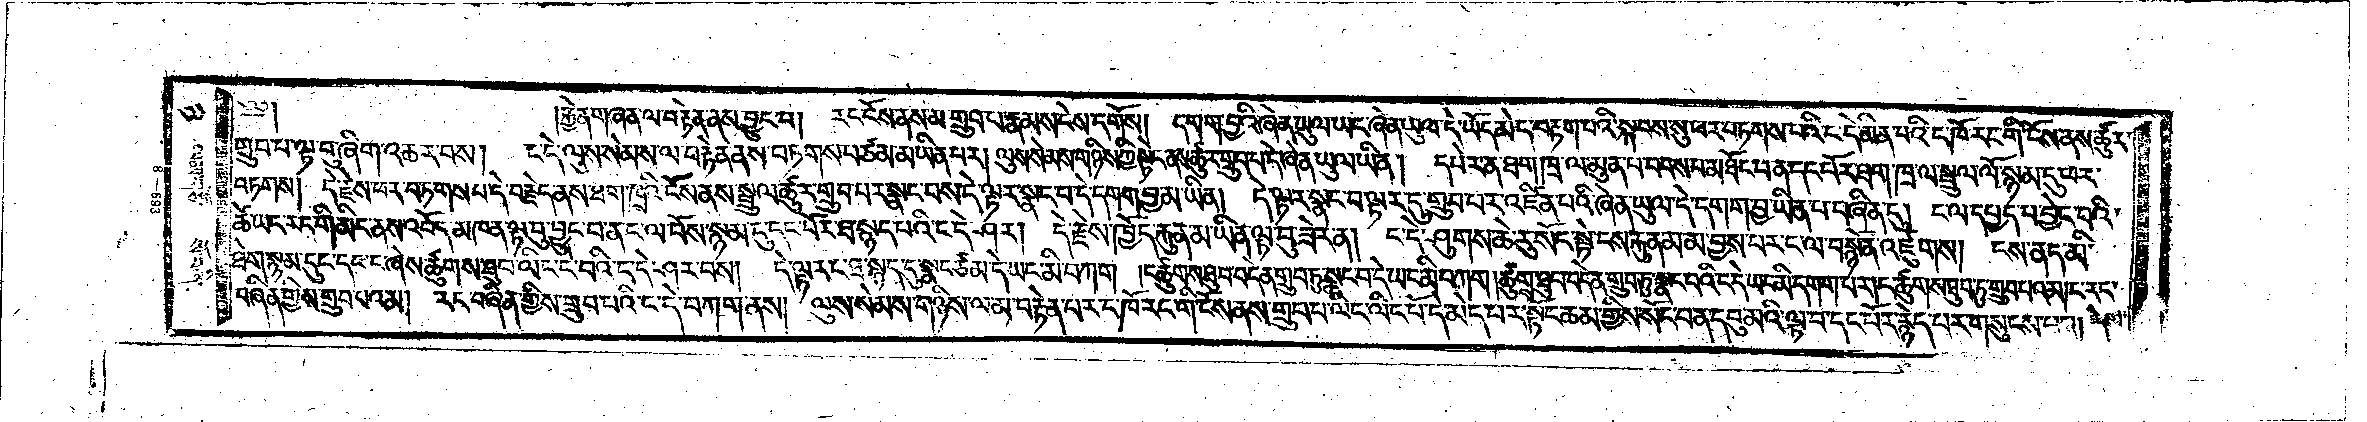༄༅། །རྐྱེན་གཞན་ལ་བརྟེན་ནས་བྱུང་བ། རང་ངོས་ནས་མ་གྲུབ་པ་རྣམས་ངེས་དགོས། དགག་བྱའི་ཞེན་ཡུལ་ཡང་ཞེན་ཡུལ་དེ་ཡོད་མེད་བརྟག་པའི་སྐབས་སུ་ཕར་བཏགས་པའི་ང་དེ་མིན་པའི་ང་ཁོ་རང་གི་ངོས་ནས་ཚུར་
གྲུབ་པ་ལྟ་བུ་ཞིག་འཆར་བས། ང་དེ་ལུས་སེམས་ལ་བརྟེན་ནས་བཏགས་པ་ཙམ་མ་ཡིན་པར། ལུས་སེམས་གཉིས་ཀྱི་སྟེང་ནས་ཚུར་གྲུབ་པ་དེ་ཞེན་ཡུལ་ཡིན། དཔེར་ན་ཐག་ཁྲ་ལ་མུན་པ་བབས་པ་མཐོང་བ་ན་དང་པོར་ཐག་ཁྲ་ལ་སྦྲུལ་ལོ་སྙམ་དུ་ཕར་
བཏགས། དེ་རྗེས་ཕར་བཏགས་པ་དེ་བརྗེད་ནས་ཐག་ཁྲའི་ངོས་ནས་སྦྲུལ་ཚུར་གྲུབ་པར་སྣང་བས་དེ་ལྟར་སྣང་བ་དེ་དགག་བྱ་མ་ཡིན། དེ་ལྟར་སྣང་བ་ལྟར་དུ་གྲུབ་པར་འཛིན་པའི་ཞེན་ཡུལ་དེ་དགག་བྱ་ཡིན་པ་བཞིན་དུ། ང་ལ་དཔྱད་པ་བྱེད་པའི་
ཚེ་ཡང་རང་གི་མིང་ནས་འབོད་མཁན་ལྟ་བུ་བྱུང་བ་ན་ང་ལ་བོས་སྙམ་དུ་དང་པོར་ཐ་སྙད་པའི་ང་དེ་ཤར། དེ་རྗེས་ཁྱོད་རྐུན་མ་ཡིན་ལྟ་བུ་ཟེར་ན། ང་དེ་ཤུགས་ཆེ་རུ་སོང་སྟེ་ངས་རྐུན་མ་མ་བྱས་པར་ང་ལ་བསྙོན་འཛུགས། ངས་ནད་མི་
ཐེག་སྙམ་དུ་ང་དང་ང་ཞེས་ཚུགས་ཐུབ་ལིང་ངེ་བའི་ང་དེ་ཤར་བས། དེ་ལྟར་ང་ཐ་སྙད་དུ་སྣང་ཙམ་དེ་ཡང་མི་བཀག །ང་ཚུགས་ཐུབ་བདེན་གྲུབ་ཏུ་སྣང་བ་དེ་ཡང་མི་བཀག །ཚུགས་ཐུབ་བདེན་གྲུབ་ཏུ་སྣང་བའི་ང་དེ་ཡང་མི་དགག་པར། ང་ཚུགས་ཐུབ་ཏུ་གྲུབ་པའམ། ང་རང་
བཞིན་གྱིས་གྲུབ་པའམ། རང་བཞིན་གྱིས་གྲུབ་པའི་ང་དེ་བཀག་ནས། ལུས་སེམས་གཉིས་ལ་མ་བརྟེན་པར་ང་ཁོ་རང་གི་ངོས་ནས་གྲུབ་པ་ལིང་ལིང་པོ་དེ་མེད་པར་སྟོང་ཆམ་གྱིས་སོང་བ་ན་དབུ་མའི་ལྟ་བ་དང་པོར་རྙེད་པར་གསུངས་པས། དེས་